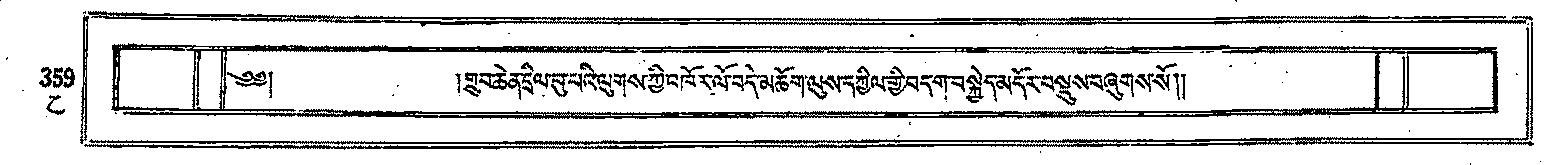༄༅། །གྲུབ་ཆེན་དྲིལ་བུ་པའི་ལུགས་ཀྱི་འཁོར་ལོ་བདེ་མཆོག་ལུས་དཀྱིལ་གྱི་བདག་བསྐྱེད་མདོར་བསྡུས་བཞུགས་སོ།།